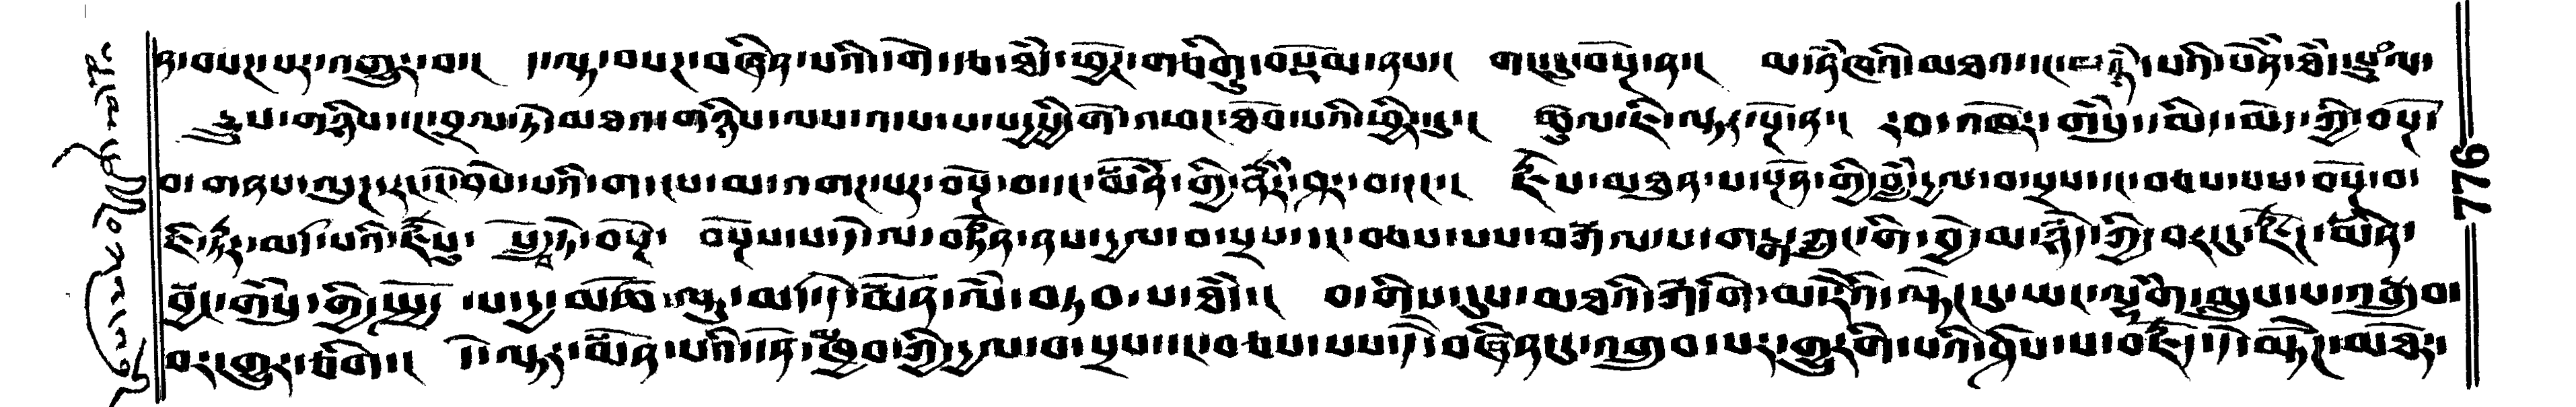ན་བསག་པར་འགྱུར་བ། ད་ལྟ་གསོག་བཞིན་པའི་དགེ་རྩ་ཐམས་ཅད་ཕྱོགས་གཅིག་ཏུ་བསྡོམ་ནས། གང་དུ་བསྔོ་ན། མ་ནམ་མཁའི་མཐའ་དང་མཉམ་པའི་སེམས་ཅན་ཐམས་ཅད་སྡུག་བསྔལ་
རྒྱུ་འབྲས་གཉིས་དང་བྲལ་ཏེ་མཐའ་གཉིས་ལས་འདས་པ་སངས་རྒྱས་ཀྱི་གོ་འཕང་ཐོབ་པའི་ཕྱིར་དུ། ཚུལ་ཇི་ལྟར་སྔོ་ན། རབ་འཁོར་གསུམ་དམིགས་མེད་ཀྱི་བསྔོ་
བ་གནས་ལུགས་རང་ངོ་ཤེས་པའི་གདངས་མ་འགགས་པར་བསྔོ་བ་དང་སྨོན་ལམ་གྱི་རྣམ་པར་ཤར་བ་དང་། རྗེས་མཐུན་པ་སྔོན་གྱི་བླ་མ་རྒྱལ་བ་སྲས་དང་བཅས་པས་བསྔོ་བ་
ཇི་ལྟར་མཛད་པའི་རྗེས་སུ་སློབ་ཏེ་བསྔོ། བསྔོས་པ་དེ་ལ་བརྟེན་ནས་རྒྱལ་བ་སྲས་དང་བཅས་པས་བསྐལ་བ་གངྒའི་ཀླུང་གི་བྱེ་མ་སྙེད་ཀྱི་བར་དུ་རྗོགས་སྨིན་
སྦྱང་གསུམ་གྱི་སྤྱོད་པ་རྒྱ་མཚོ་ལྟ་བུ་མཛད་དེ་སྨོན་ལམ་བཏབ་པ་ཐམས་ཅད། བདག་གིས་དུས་མཐའི་སྐད་ཅིག་མ་རེ་རེའི་ལྟེང་དུ་ཡང་ལྷག་མ་མ་ལུས་པ་འགྲུབ་
པར་གྱུར་ཅིག དེ་ལྟར་སྨོན་པའི་དོན་མཁའ་ཁྱབ་ཀྱི་རྒྱལ་བ་སྲས་དང་བཅས་པས་དེ་དེ་བཞིན་དུ་འགྲུབ་པར་གྱུར་ཅིག་པའི་ཤིས་པ་བརྗོད་དེ་མེ་ཏོག་མཐོར་